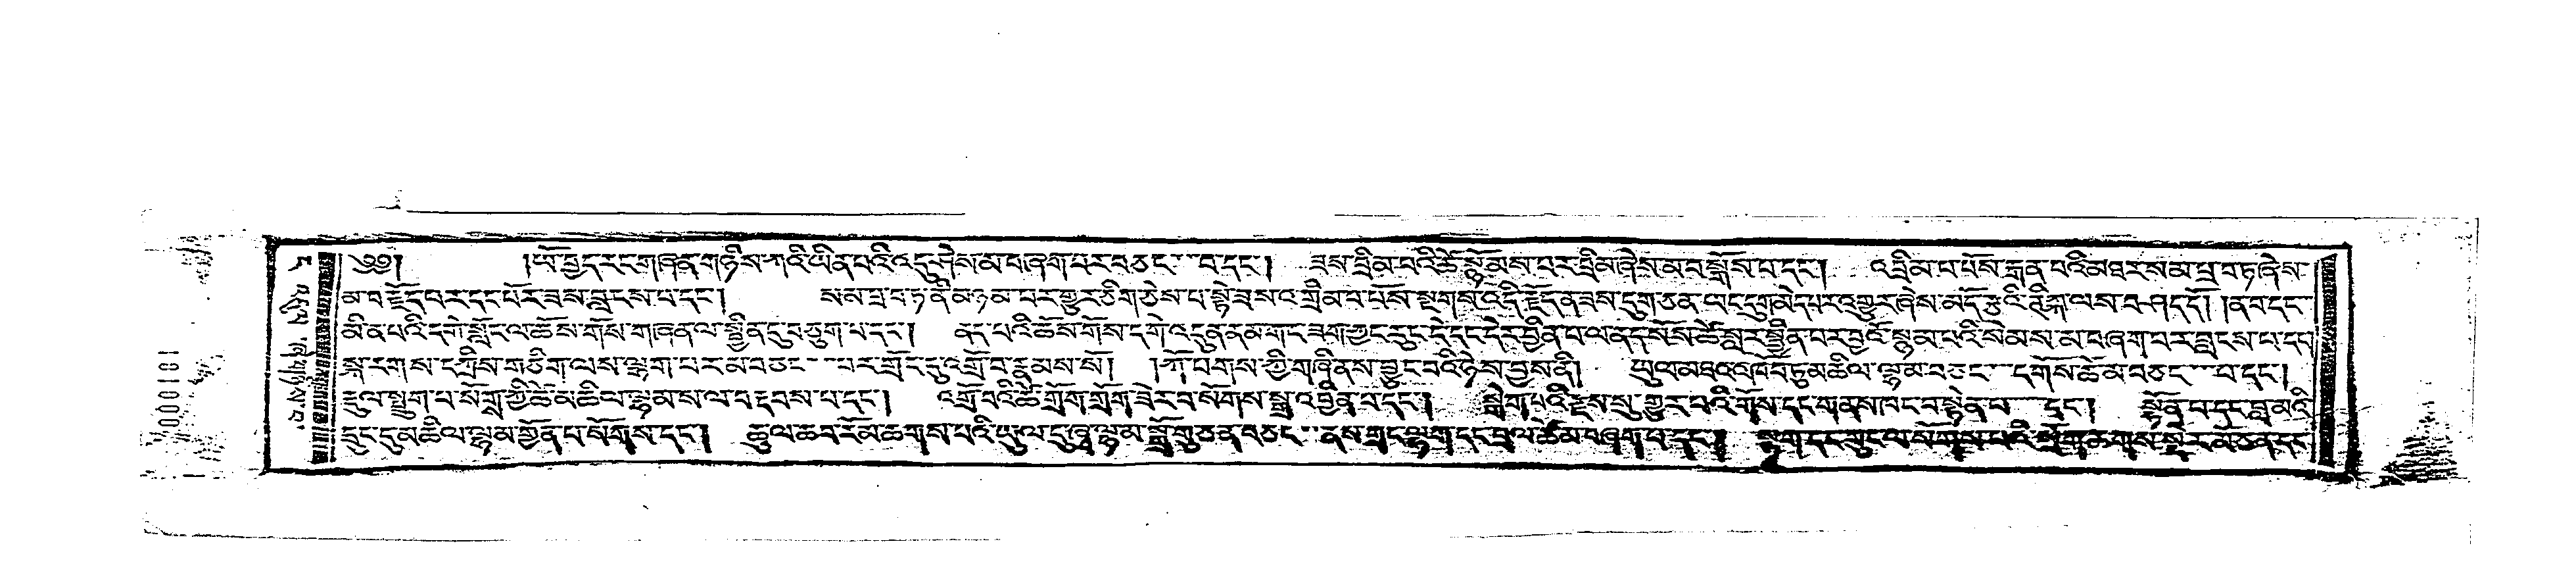༄༅། །ཡོ་བྱད་རང་གཞན་གཉིས་ཀའི་ཡིན་པའི་འདུ་ཤེས་མ་བཞག་པར་བཅང་བ་དང་། ཟས་བྲིམ་པའི་ཚེ་སྙོམས་པར་བྲིམ་ཞེས་མ་བསྒོས་པ་དང་། འབྲིམ་པ་པོས་རྒན་པའི་མཐར་སམ་པྲ་བ་ཏ་ཞེས་
མ་བརྗོད་པར་དང་པོར་ཟས་བླངས་པ་དང་། སམ་པྲ་བ་ཏ་ནི་མཉམ་པར་གྱུར་ཅིག་ཅེས་པ་སྟེ་ཟས་འགྲིམ་པ་པོས་སྔགས་འདི་རྗོད་ན་ཟས་དུག་ཅན་ཡང་དུག་མེད་པར་འགྱུར་ཞེས་མདོ་རྩའི་ཊིཀྐ་ལས་བཤད་དོ། །ན་བ་དང་
མི་ན་པའི་དགེ་སློང་ལ་ཆོས་གོས་གཞན་ལ་སྦྱིན་དུ་བཅུག་པ་དང་། ནད་པའི་ཆོས་གོས་དགེ་འདུན་ནམ་གང་ཟག་ཀྱང་རུང་དེ་དང་དེར་བྱིན་པ་ལ་ནད་སོས་ཚེ་སླར་སྦྱིན་པར་བྱའོ་སྙམ་པའི་སེམས་མ་བཞག་པར་བླངས་པ་དང་།
སྐ་རགས་དཀྲིས་གཅིག་ལས་ལྷག་པར་མ་བཅང་པར་གྲོང་དུ་འགྲོ་བ་རྣམས་སོ། །ཀོ་པགས་ཀྱི་གཞི་ནས་བྱུང་བའི་ཉེས་བྱས་ནི། ཡུལ་མཐའ་འཁོབ་ཏུ་མཆིལ་ལྷམ་བཅང་དགོས་ཚེ་མ་བཅང་བ་དང་།
རྡུལ་སྤྲུག་པ་སོགས་ཀྱི་ཚེ་མཆིལ་ལྷམ་ས་ལ་བརྡབས་པ་དང་། འགྲོ་བའི་ཚེ་གྲོག་གྲོག་ཟེར་བ་སོགས་སྒྲ་འབྱིན་པ་དང་། སྒེག་པའི་རྫས་སུ་གྱུར་པའི་གོས་དང་གནས་ཁང་བསྟེན་པ་དང་། སྟོན་པ་དང་བླ་མའི་
དྲུང་དུ་མཆིལ་ལྷམ་གྱོན་པ་སོགས་དང་། ཆུ་ལ་ཆབ་རོམ་ཆགས་པའི་ཡུལ་དུ་ཞྭ་ལྷམ་སྒྲོ་གུ་ཅན་བཅང་ནས་གྲང་ལྷག་དང་བྲལ་ཚེམ་བཞག་པ་དང་། སྟག་དང་གུང་ལ་སོགས་པའི་སྲོག་ཆགས་སྡེར་མོ་ཅན་དང་